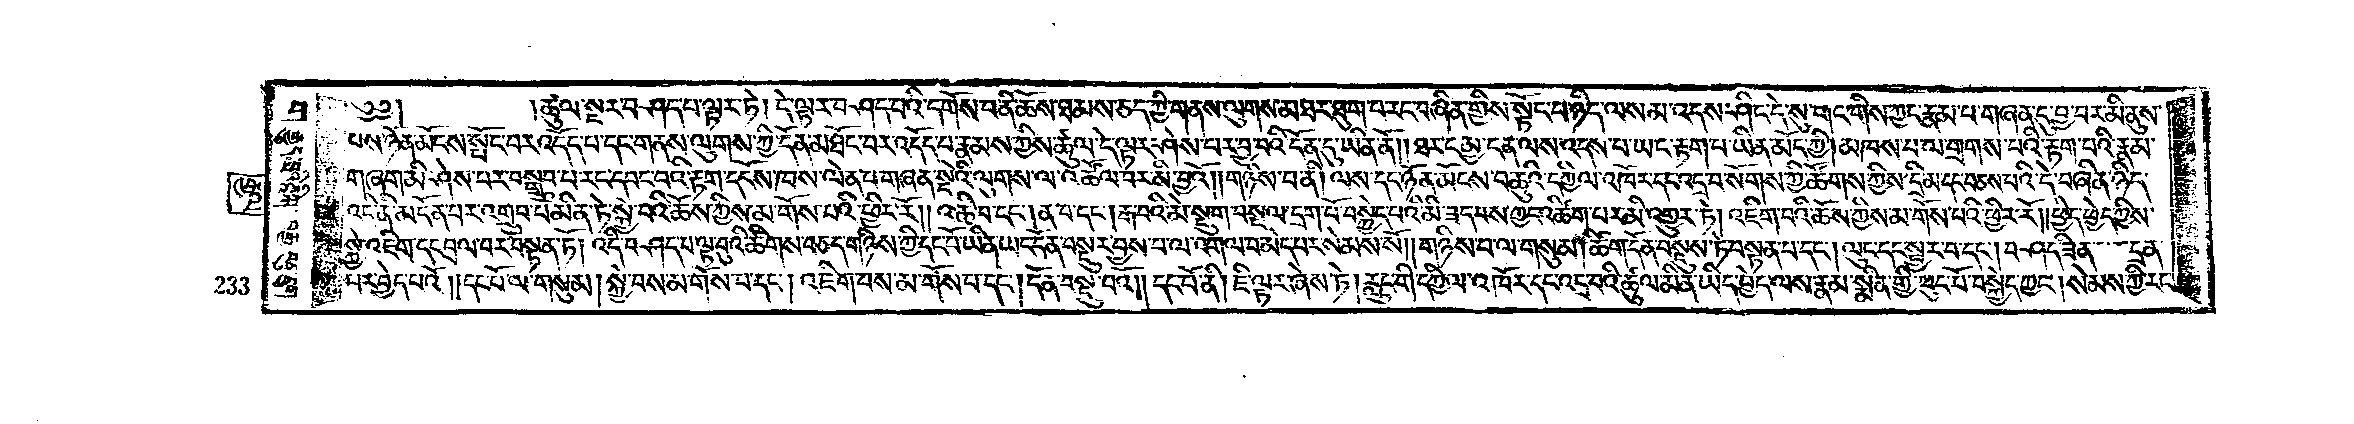༄༅། །ཚུལ་སྔར་བཤད་པ་ལྟར་ཏེ། དེ་ལྟར་བཤད་པའི་དགོས་པ་ནི་ཆོས་ཐམས་ཅད་ཀྱི་གནས་ལུགས་མཐར་ཐུག་པ་རང་བཞིན་གྱིས་སྟོང་པ་ཉིད་ལས་མ་འདས་ཤིང་དེ་སུ་གང་གིས་ཀྱང་རྣམ་པ་གཞན་དུ་བྱ་བར་མི་ནུས་
པས་ཉོན་མོངས་སྤོང་པར་འདོད་པ་དང་གནས་ལུགས་ཀྱི་དོན་མཐོང་བར་འདོད་པ་རྣམས་ཀྱིས་ཚུལ་དེ་ལྟར་ཤེས་པར་བྱ་བའི་དོན་དུ་ཡིན་ནོ། །ཐར་དམྱ་ངན་ལས་འདས་པ་ཡང་རྟག་པ་ཡིན་མོད་ཀྱི། མཁས་པ་ལ་གྲགས་པའི་རྟག་པའི་རྣམ་
གཞག་མི་ཤེས་པར་བསྒྲུབ་པ་རང་དབང་བའི་རྟག་དངོས་ཁས་ལེན་པ་གཞན་སྡེའི་ལུགས་ལ་འཚོལ་བར་མི་བྱའོ། །གཉིས་པ་ནི། ལས་དང་ཉོན་མོངས་པ་ཆུའི་དཀྱིལ་འཁོར་དང་འདྲ་བ་སོགས་ཀྱི་ཚོགས་ཀྱིས་དྲི་མ་དང་བཅས་པའི་དེ་བཞིན་ཉིད་
འདི་ནི་མངོན་པར་འགྲུབ་པ་མིན་ཏེ་སྐྱེ་བའི་ཆོས་ཀྱིས་མ་གོས་པའི་ཕྱིར་རོ། །འཆི་བ་དང་། ན་བ་དང་། རྒ་བའི་མེ་སྡུག་བསྔལ་དྲག་པོ་བསྐྱེད་པའི་མི་ཟད་པས་ཀྱང་འཚིག་པར་མི་འགྱུར་ཏེ། འཇིག་པའི་ཆོས་ཀྱིས་མ་གོས་པའི་ཕྱིར་རོ། །ཕྱེད་ཕྱེད་ཀྱིས་
སྐྱེ་འཇིག་དང་བྲལ་བར་བསྟན་ཏོ། འདི་བཤད་པ་ལྟ་བུའི་ཚིགས་བཅད་གཉིས་ཀྱི་དང་པོ་ཡིན་ཡང་དོན་བསྡུར་བྱས་པ་ལ་འགལ་བ་མེད་པར་སེམས་སོ། །གཉིས་པ་ལ་གསུམ། ཚིག་དོན་བསྡུས་ཏེ་བསྟན་པ་དང་། ལུང་དང་སྦྱར་བ་དང་། བཤད་ཟིན་དྲན་
པར་བྱེད་པའོ། །དང་པོ་ལ་གསུམ། སྐྱེ་བས་མ་གོས་པ་དང་། འཇིག་པས་མ་གོས་པ་དང་། དོན་བསྡུ་བའོ། །དང་པོ་ནི། ཇི་ལྟར་ཞེས་ཏེ། རླུང་གི་དཀྱིལ་འཁོར་དང་འདྲ་བའི་ཚུལ་མིན་ཡིད་བྱེད་ལས་རྣམ་སྨིན་གྱི་ཕུང་པོ་བསྐྱེད་ཀྱང་། སེམས་ཀྱི་རང་